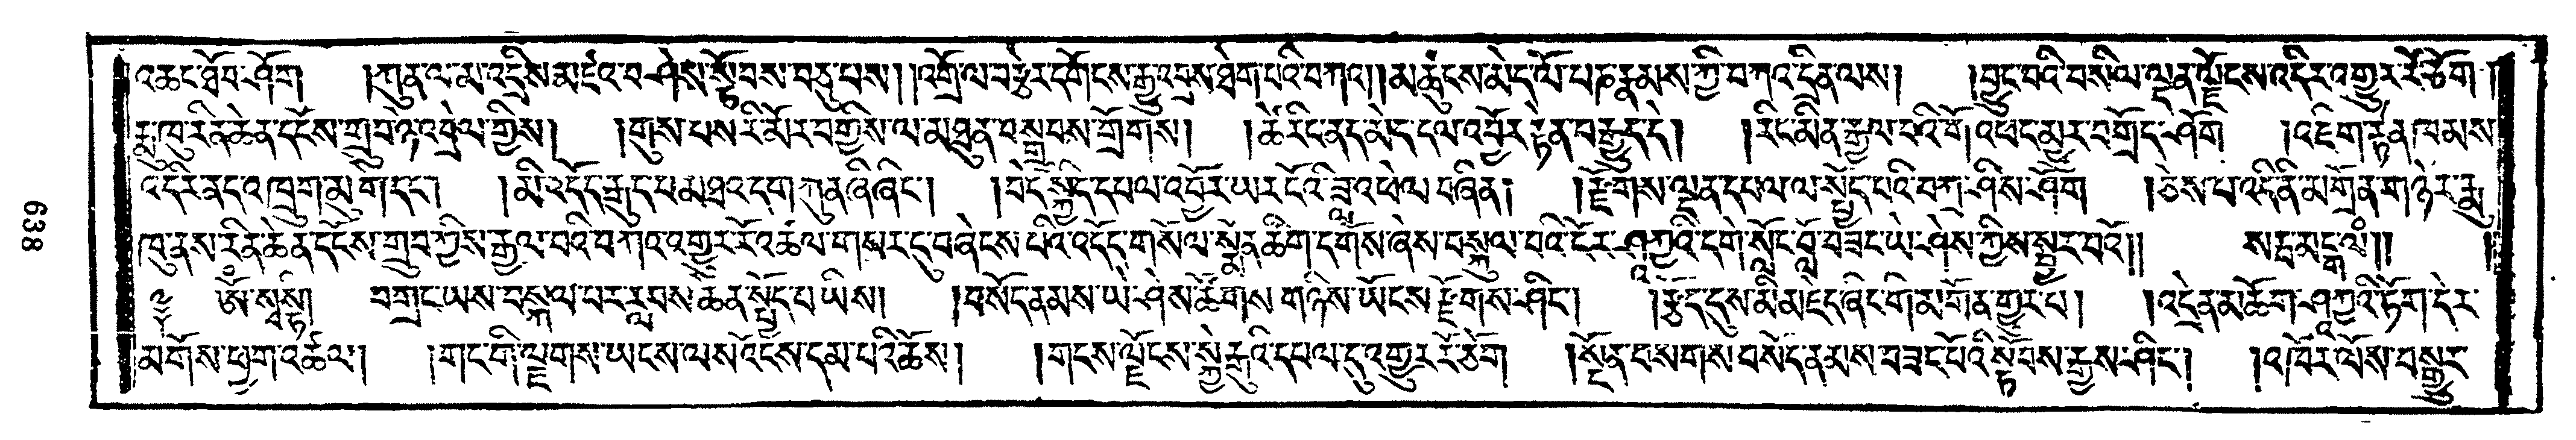འཆང་ཐོབ་ཤོག །ཀུན་ལ་མ་འདྲིས་མཛའ་བཤེས་སྟོབས་བཅུ་པས། །འགྲོ་ལ་བརྩེར་དགོངས་རྒྱུ་འབྲས་ཐེག་པའི་བཀའ། །མཚུངས་མེད་ལོ་པཎ་རྣམས་ཀྱི་བཀའ་དྲིན་ལས། །བྱུང་བའི་བསིལ་ལྡན་ལྗོངས་འདིར་གྱུར་རོ་ཅོག །
རྨུ་ཁུ་རིན་ཆེན་དངོས་གྲུབ་ཉེ་འབྲེལ་གྱིས། །གུས་པས་རི་མོར་བགྱིས་ལ་མཐུན་བསྒྲུབས་གྲོགས། །ཚེ་རིང་ནད་མེད་དལ་འབྱོར་རྟེན་བརྒྱུད་དེ། །རིང་མིན་རྒྱལ་བའི་གོ་འཕང་མྱུར་བགྲོད་ཤོག །འཇིག་རྟེན་ཁམས་
འདིར་ནད་འཁྲུག་མུ་གེ་དང་། །མི་འདོད་རྒྱུད་པ་མཐའ་དག་ཀུན་ཞི་ཞིང་། །བདེ་སྐྱིད་དཔལ་འབྱོར་ཡར་ངོའི་ཟླ་འཕེལ་བཞིན། །རྫོགས་ལྡན་དཔལ་ལ་སྤྱོད་པའི་བཀྲ་ཤིས་ཤོག །ཅེས་པ་འདི་ནི་མགྲོན་གཉེར་རྨུ་
ཁུ་ནས་རིན་ཆེན་དངོས་གྲུབ་ཀྱིས་རྒྱལ་བའི་བཀའ་འགྱུར་རོ་འཚལ་གསར་དུ་བཞེངས་པའི་འདོད་གསོལ་སྨོན་ཚིག་དགོས་ཞེས་བསྐུལ་བའི་ངོར་ཤཱཀྱའི་དགེ་སློང་བློ་བཟང་ཡེ་ཤེས་ཀྱིས་སྦྱར་བའོ།། སརྦ་མངྒ་ལཾ།། །།
༈ ཨོཾ་སྭསྟི། བགྲང་ཡས་བསྐལ་པར་རླབས་ཆེན་སྤྱོད་པ་ཡིས། །བསོད་ནམས་ཡེ་ཤེས་ཚོགས་གཉིས་ཡོངས་རྫོགས་ཤིང་། །རྩོད་དུས་མི་མཇེད་ཞིང་གི་མགོན་གྱུར་པ། །འདྲེན་མཆོག་ཤཱཀྱའི་ཏོག་དེར་
མགོས་ཕྱག་འཚལ། །གང་གི་ལྗགས་ཡངས་ལས་འོངས་དམ་པའི་ཆོས། །གངས་ལྗོངས་སྐྱེ་རྒུའི་དཔལ་དུ་འགྱུར་རོ་ཅོག །སྔོན་བསགས་བསོད་ནམས་བཟང་པོའི་སྟོབས་རྒྱས་ཤིང་། །འཁོར་ལོས་བསྒྱུར་